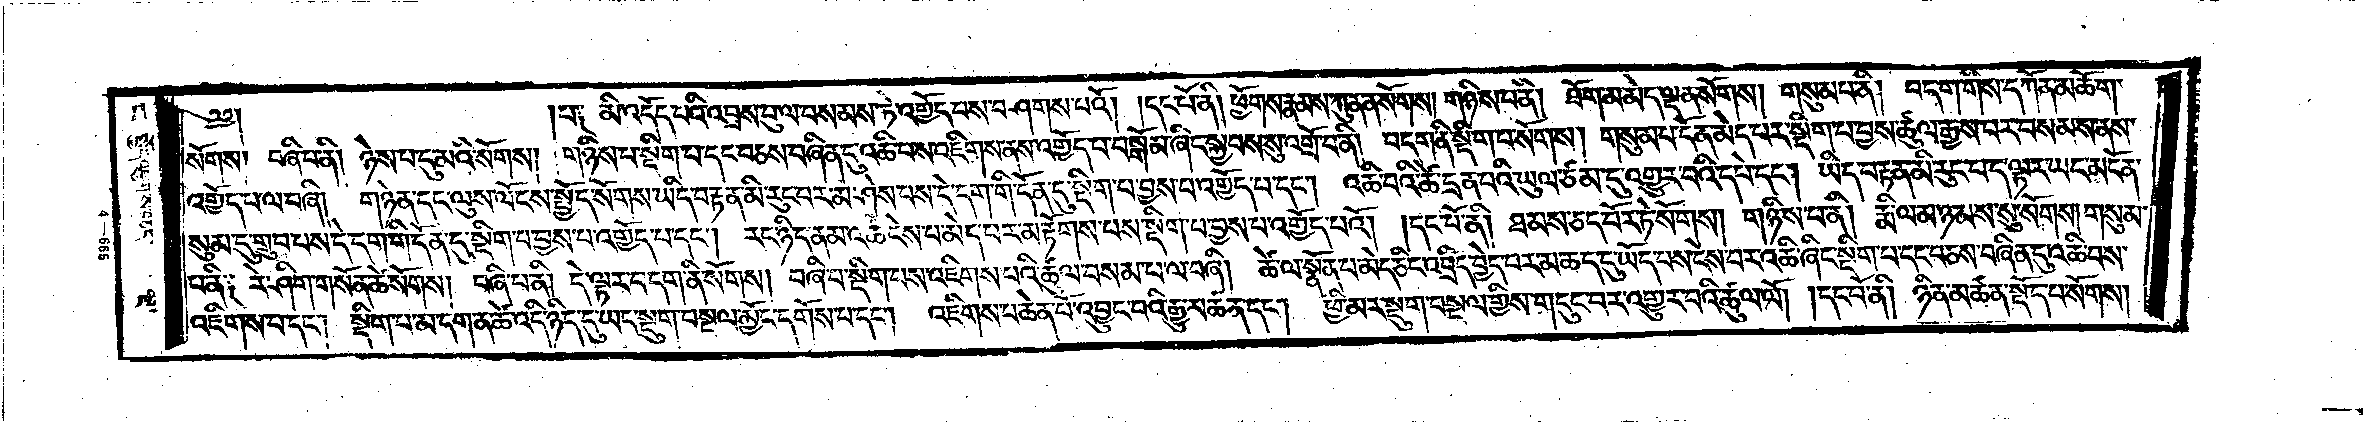༄༅། །པ༑ མི་འདོད་པའི་འབྲས་བུ་ལ་བསམས་ཏེ་འགྱོད་པས་བཤགས་པའོ། །དང་པོ་ནི། ཕྱོགས་རྣམས་ཀུན་ན་སོགས། གཉིས་པ་ནི། ཐོག་མ་མེད་ལྡན་སོགས། གསུམ་པ་ནི། བདག་གིས་དཀོན་མཆོག་
སོགས། བཞི་པ་ནི། ཉེས་པ་དུ་མའི་སོགས། གཉིས་པ་སྡིག་པ་དང་བཅས་བཞིན་དུ་འཆི་བས་འཇིགས་ནས་འགྱོད་པ་བསྒོམ་ཞིང་སྐྱབས་སུ་འགྲོ་བ་ནི། བདག་ནི་སྡིག་བ་སོགས། གསུམ་པ་དོན་མེད་པར་སྡིག་པ་བྱས་ཚུལ་རྒྱས་པར་བསམས་ནས་
འགྱོད་པ་ལ་བཞི། གཉེན་དང་ལུས་ལོངས་སྤྱོད་སོགས་ཡིད་བརྟན་མི་རུང་བར་མ་ཤེས་པས་དེ་དག་གི་དོན་དུ་སྡིག་པ་བྱས་པ་འགྱོད་པ་དང་། འཆི་བའི་ཚེ་དྲན་པའི་ཡུལ་ཙམ་དུ་འགྱུར་བའི་དཔེ་དང་། ཡིད་བརྟན་མི་རུང་བ་ད་ལྟར་ཡང་མངོན་
སུམ་དུ་གྲུབ་པས་དེ་དག་གི་དོན་དུ་སྡིག་པ་བྱས་པ་འགྱོད་པ་དང་། རང་ཉིད་ནམ་འཆི་ངེས་པ་མེད་པར་མ་རྟོགས་པས་སྡིག་པ་བྱས་པ་འགྱོད་པའོ། །དང་པོ་ནི། ཐམས་ཅད་བོར་ཏེ་སོགས། གཉིས་པ་ནི། རྨི་ལམ་ཉམས་སུ་སོགས། གསུམ་
བ་ནི༑ རེ་ཤིག་གསོན་ཚེ་སོགས། བཞི་པ་ནི། དེ་ལྟར་བདག་ནི་སོགས། བཞི་པ་སྡིག་པས་འཇིགས་པའི་ཚུལ་བསམ་པ་ལ་བཞི། ཚེ་ལ་སྣོན་པ་མེད་ཅིང་འབྲིད་བྱེད་བར་མཆད་དུ་ཡོད་པས་ངེས་པར་འཆི་ཞིང་སྡིག་པ་དང་བཅས་བཞིན་དུ་འཆི་བས་
འཇིགས་པ་དང་། སྡིག་པ་མ་དག་ན་ཚེ་འདི་ཉིད་དུ་ཡང་སྡུག་བསྔལ་མྱོང་དགོས་པ་དང་། འཇིགས་པ་ཆེན་པོ་འབྱུང་བའི་རྒྱུ་མཚན་དང་། ཕྱི་མར་སྡུག་བསྔལ་གྱིས་གདུང་བར་འགྱུར་བའི་ཚུལ་ལོ། །དང་པོ་ནི། ཉིན་མཚན་སྡོད་པ་སོགས།